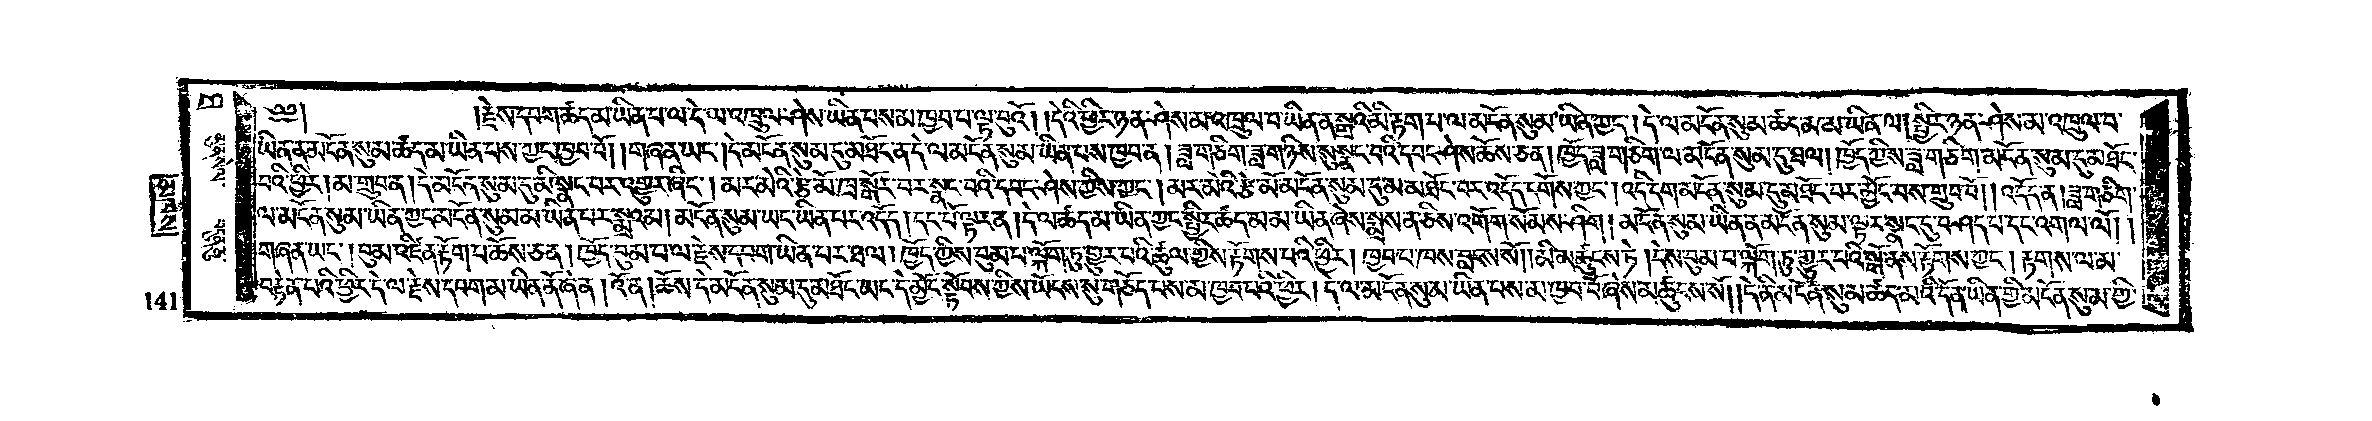༄༅། །རྗེས་དཔག་ཚད་མ་ཡིན་པ་ལ་དེ་ལ་འཁྲུལ་ཤེས་ཡིན་པས་མ་ཁྱབ་པ་ལྟ་བུའོ། །དེའི་ཕྱིར་ཉན་ཤེས་མ་འཁྲུལ་བ་ཡིན་ན་སྒྲའི་མི་རྟག་པ་ལ་མངོན་སུམ་ཡིན་ཀྱང་། དེ་ལ་མངོན་སུམ་ཚད་མ་མ་ཡིན་ལ། སྤྱིར་ཉན་ཤེས་མ་འཁྲུལ་བ་
ཡིན་ན་མངོན་སུམ་ཚད་མ་ཡིན་པས་ཀྱང་ཁྱབ་བོ། །གཞན་ཡང་། དེ་མངོན་སུམ་དུ་མཐོང་ན་དེ་ལ་མངོན་སུམ་ཡིན་པས་ཁྱབ་ན། ཟླ་གཅིག་ཟླ་གཉིས་སུ་སྣང་བའི་དབང་ཤེས་ཆོས་ཅན། ཁྱོད་ཟླ་གཅིག་ལ་མངོན་སུམ་དུ་ཐལ། ཁྱོད་ཀྱིས་ཟླ་གཅིག་མངོན་སུམ་དུ་མཐོང་
བའི་ཕྱིར། མ་གྲུབ་ན། དེ་མངོན་སུམ་དུ་མི་སྣང་བར་འགྱུར་ཞིང་། མར་མེའི་རྩེ་མོ་ཁྲ་སྒོར་བར་སྣང་བའི་དབང་ཤེས་ཀྱིས་ཀྱང་། མར་མེའི་རྩེ་མོ་མངོན་སུམ་དུ་མ་མཐོང་བར་འདོད་དགོས་ཀྱང་། འདི་དག་མངོན་སུམ་དུ་མཐོང་བར་མྱོང་བས་གྲུབ་བོ། །འདོད་ན་།ཟླ་གཅིག་
ལ་མངོན་སུམ་ཡིན་ཀྱང་མངོན་སུམ་མ་ཡིན་པར་སྨྲའམ། མངོན་སུམ་ཡང་ཡིན་པར་འདོད། དང་པོ་ལྟར་ན། དེ་ལ་ཚད་མ་ཡིན་ཀྱང་སྤྱིར་ཚད་མ་མ་ཡིན་ཞེས་སྨྲས་ན་ཅིས་འགོག་སོམས་ཤིག། མངོན་སུམ་ཡིན་ན་མངོན་སུམ་ལྟར་སྣང་དུ་བཤད་པ་དང་འགལ་ལོ། །
གཞན་ཡང་། བུམ་འཛིན་རྟོག་པ་ཆོས་ཅན། ཁྱོད་བུམ་པ་ལ་རྗེས་དཔག་ཡིན་པར་ཐལ། ཁྱོད་ཀྱིས་བུམ་པ་ལྐོག་ཏུ་གྱུར་པའི་ཚུལ་གྱིས་རྟོགས་པའི་ཕྱིར། ཁྱབ་པ་ཁས་བླངས་སོ། །མི་མཚུངས་ཏེ། དེས་བུམ་པ་ལྐོག་ཏུ་གྱུར་བའི་སྒོ་ནས་རྟོགས་ཀྱང་། རྟགས་ལ་མ་
བརྟེན་པའི་ཕྱིར་དེ་ལ་རྗེས་དཔག་མ་ཡིན་ནོ་ཞེ་ན། འོ་ན། ཆོས་དེ་མངོན་སུམ་དུ་མཐོང་ཡང་དེ་མྱོང་སྟོབས་ཀྱིས་ཡོངས་སུ་གཅོད་པས་མ་ཁྱབ་པའི་ཕྱིར། དེ་ལ་མངོན་སུམ་ཡིན་པས་མ་ཁྱབ་བོ་ཞེས་མཚུངས་སོ། །དེ་ནི་མངོན་སུམ་ཚད་མའི་དོན་ཡིན་གྱི་མངོན་སུམ་གྱི་